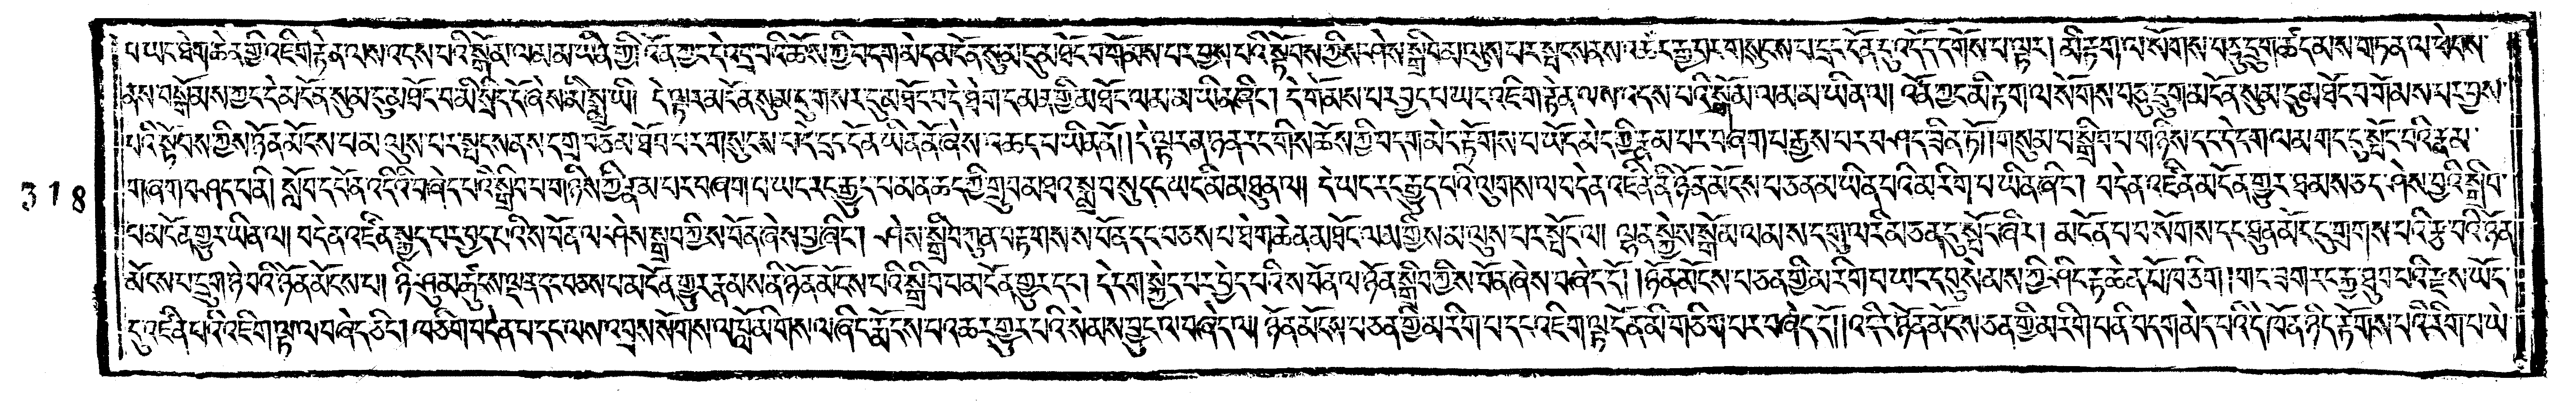པ་ཡང་ཐེག་ཆེན་གྱི་འཇིག་རྟེན་ལས་འདས་པའི་སྒོམ་ལམ་མ་ཡིན་གྱི། འོན་ཀྱང་དེ་འདྲ་བའི་ཆོས་ཀྱི་བདག་མེད་མངོན་སུམ་དུ་མཐོང་བ་གོམས་པར་བྱས་པའི་སྟོབས་ཀྱིས་ཤེས་སྒྲིབ་མ་ལུས་པར་སྤངས་ནས་འཚང་རྒྱ་བར་གསུངས་པ་དྲང་དོན་དུ་འདོད་དགོས་པ་ལྟར། མི་རྟག་ལ་སོགས་བཅུ་དྲུག་ཚད་མས་གཏན་ལ་ཕེབས་
ནས་བསྒོམས་ཀྱང་དེ་མངོན་སུམ་དུ་མཐོང་བ་མི་སྲིད་དོ་ཞེས་མི་སྨྲ་ཡི། དེ་ལྟར་མངོན་སུམ་དུ་གསར་དུ་མཐོང་བ་དེ་ཐེག་དམན་གྱི་མཐོང་ལམ་མ་ཡིན་ཞིང་། དེ་གོམས་པར་བྱད་པ་ཡང་འཇིག་རྟེན་ལས་འདས་པའི་སྒོམ་ལམ་མ་ཡིན་ལ། འོན་ཀྱང་མི་རྟག་ལ་སོགས་བཅུ་དྲུག་མངོན་སུམ་དུ་མཐོང་བ་གོམས་པར་བྱས་
པའི་སྟོབས་ཀྱིས་ཉོན་མོངས་པ་མ་ལུས་པར་སྤངས་ནས་དགྲ་བཅོམ་ཐོབ་པར་གསུངས་པར་?་དྲང་དོན་ཡིན་ནོ་ཞེས་འཆད་པ་ཡིན་ནོ། །དེ་ལྟར་ན་ཉན་རང་གིས་ཆོས་ཀྱི་བདག་མེད་རྟོགས་པ་ཡོད་མེད་ཀྱི་རྣམ་པར་བཞག་པ་རྒྱས་བར་བཤད་ཟིན་ཏོ། །གསུམ་པ་སྒྲིབ་པ་གཉིས་དང་དེ་དག་ལམ་གང་དུ་སྤོང་བའི་རྣམ་
གཞག་བཤད་པ་ནི། སློབ་དཔོན་འདིའི་བཞེད་པའི་སྒྲིབ་པ་གཉིས་ཀྱི་རྣམ་པར་བཞག་པ་ཡང་རང་རྒྱུད་བ་མན་ཆད་ཀྱི་གྲུབ་མཐའ་སྨྲ་བ་སུ་དང་ཡང་མི་མཐུན་ལ། དེ་ཡང་རང་རྒྱུད་པའི་ལུགས་ལ་བདེན་འཛིན་ནི་ཉོན་མོངས་པ་ཅན་མ་ཡིན་པའི་མ་རིག་པ་ཡིན་ཞིང་། བདེན་འཛིན་མངོན་གྱུར་ཐམས་ཅད་ཤེས་བྱའི་སྒྲིབ་
པ་མངོན་གྱུར་ཡིན་ལ། བདེན་འཛིན་སྐྱད་པར་བྱད་པའི་ས་བོན་ལ་ཤེས་སྒྲབ་ཀྱི་ས་བོན་ཞེས་བྱ་ཞིང་། ཤེས་སྒྲིབ་ཀུན་བརྟགས་ས་བོན་དང་བཅས་པ་ཐེག་ཆེན་མཐོང་ལམ་གྱིས་མ་ལུས་པར་སྤོང་ལ། ལྷན་སྐྱེས་སྒོམ་ལམ་ས་དགུ་ལ་རིམ་ཅན་དུ་སྤོང་ཞིར། ?་མངོན་པ་བ་སོགས་དང་ཐུན་མོང་དུ་གྲགས་པའི་རྩ་བའི་ཉོན་
མོངས་པ་དྲུག་ཉེ་བའི་ཉོན་མོངས་པ། ཉི་ཤུ་མཚུངས་ལྡན་དང་བཅས་པ་མངོན་གྱུར་རྣམས་ནི་ཉོན་མོངས་པའི་སྒྲིབ་པ་མངོན་གྱུར་དང་། དེ་དག་སྐྱེད་པར་བྱེད་པའི་ས་བོན་ལ་ཉོན་སྒྲིབ་ཀྱི་ས་བོན་ཞེས་བཞེད་དོ། །ཉོན་མོངས་པ་ཅན་གྱི་མ་རིག་པ་ཡང་དབུ་སེམས་ཀྱི་ཤིང་རྟ་ཆེན་པོ་ཁ་ཅིག །གང་ཟག་རང་རྐྱ་ཐུབ་པའི་རྫས་ཡོད་
དུ་འཛིན་པའི་འཇིག་ལྟ་ལ་བཞེད་ཅིང་། ཁ་ཅིག་བདེན་པ་དང་ལས་འབྲས་སོགས་ལ་བློ་མི་གསལ་ཞིང་རྨོངས་བ་འཆར་གྱུར་པའི་སེམས་བྱུང་ལ་བཞེད་ལ། ཉོན་མོངས་པ་ཅན་གྱི་མ་རིག་པ་དང་འཇིག་ལྟ་དོན་མི་གཅིག་པར་བཞེད་དོ། །འདིར་ཉོན་མོངས་ཅན་གྱི་མ་རིག་པ་ནི་བདག་མེད་པའི་དེ་ཁོ་ན་ཉིད་རྟོགས་པའི་རིག་པ་ཡེ་